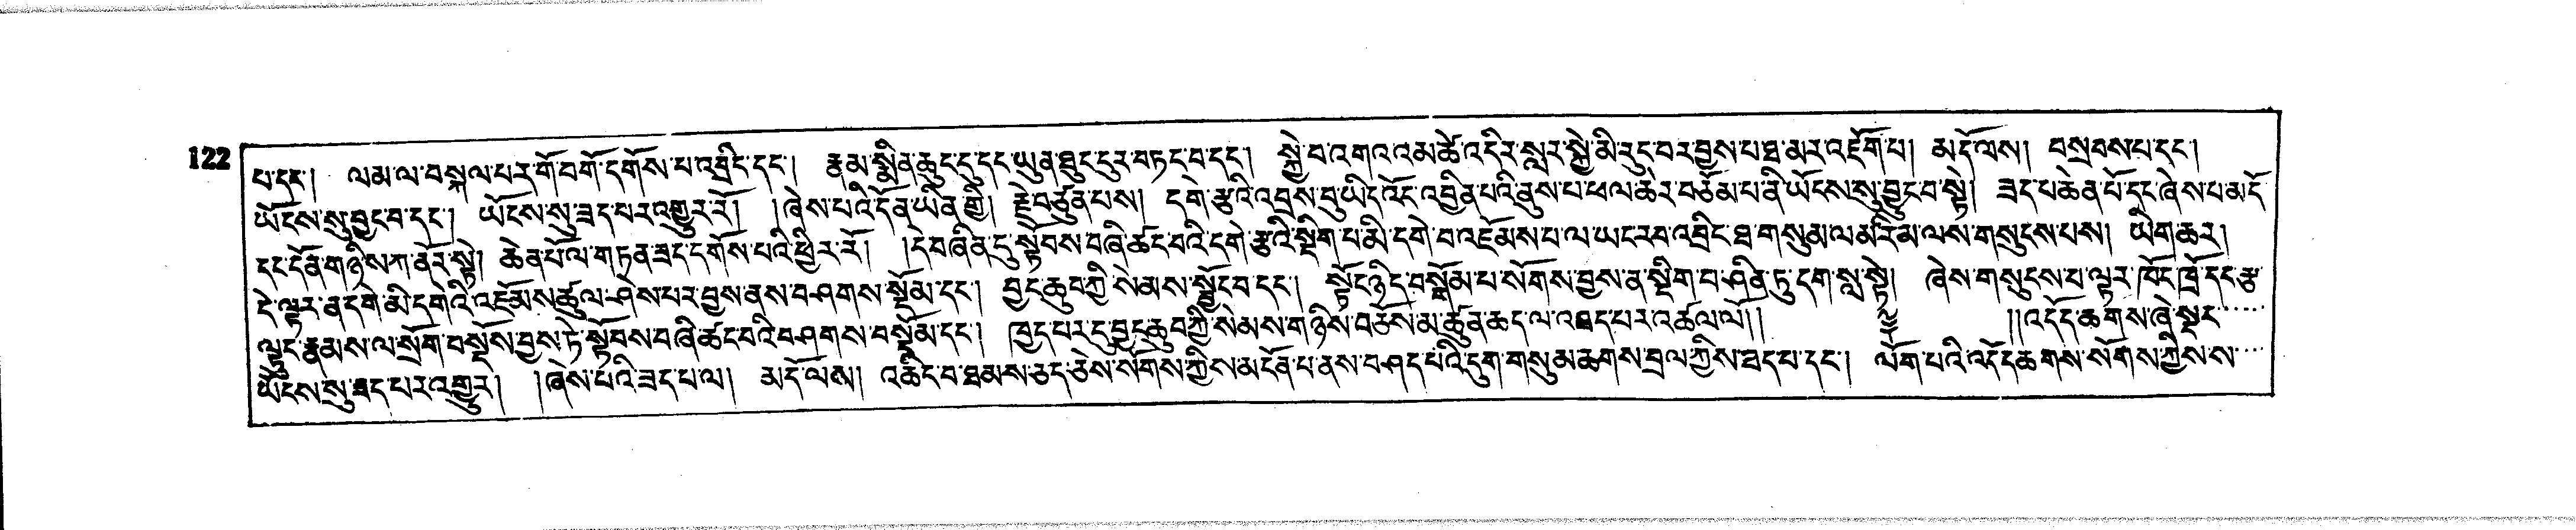པ་དང་། ལམ་ལ་བསྐལ་པར་གོ་བགོ་དགོས་པ་འབྲིང་དང་། རྣམ་སྨིན་ཆུང་དུ་དང་ཡུན་ཐུང་ངུར་བཏང་བ་དང་། སྐྱེ་བ་འགའ་འམ་ཚེ་འདིར་སླར་སྐྱེ་མི་རུང་བར་བྱས་པ་ཐ་མར་འཇོག་པ། མདོ་ལས། བསྲབས་པ་དང་།
ཡོངས་སུ་བྱང་བ་དང་། ཡོངས་སུ་ཟད་པར་འགྱུར་རོ། །ཞེས་པའི་དོན་ཡིན་གྱི། རྗེ་བཙུན་པས། དགེ་རྩའི་འབྲས་བུ་ཡིད་འོང་འབྱིན་པའི་ནུས་པ་ཕལ་ཆེར་བཅོམ་པ་ནི་ཡོངས་སུ་བྱུང་བ་སྟེ། ཟད་པ་ཆེན་པོ་དང་ཞེས་པ་མདོ་
དང་དོན་གཉིས་ཀ་ནོར་སྟེ། ཆེན་པོ་ལ་གཏན་ཟད་དགོས་པའི་ཕྱིར་རོ། །དེ་བཞིན་དུ་སྟོབས་བཞི་ཚང་བའི་དགེ་རྩའི་སྡིག་པ་མི་དགེ་བ་འཇོམས་པ་ལ་ཡང་རབ་འབྲིང་ཐ་གསུམ་ལམ་རིམ་ལས་གསུངས་པས། ཡིག་ཆར།
དེ་ལྟར་ན་དགེ་མི་དགེའི་འཇོམས་ཚུལ་ཤེས་པར་བྱས་ནས་བཤགས་སྡོམ་དང་། བྱང་ཆུབ་ཀྱི་སེམས་སྦྱོང་བ་དང་། སྟོང་ཉིད་བསྒོམ་པ་སོགས་བྱས་ན་སྡིག་པ་ཤིན་ཏུ་དག་སླ་སྟེ། ཞེས་གསུངས་པ་ལྟར་ཁོང་ཁྲོ་དང་རྩ་
ལྟུང་རྣམས་ལ་སྲོག་བསྡོས་བྱས་ཏེ་སྟོབས་བཞི་ཚང་བའི་བཤགས་བསྡོམ་དང་། ཁྱད་པར་དུ་བྱང་ཆུབ་ཀྱི་སེམས་གཉིས་བཅོས་མ་ཚུན་ཆད་ལ་འཐད་པར་འཚལ་ལོ།། ༈ །།འདོད་ཆགས་ཞེ་སྔར་
ཡོངས་སུ་ཟད་པར་འགྱུར། །ཞེས་པའི་ཟད་པ་ལ། མདོ་ལས། འཆིང་བ་ཐམས་ཅད་ཅེས་སོགས་ཀྱིས་མངོན་པ་ནས་བཤད་པའི་དུག་གསུམ་ཆགས་བྲལ་ཀྱིས་ཐད་པ་དང་། ལོག་པའི་འདོད་ཆགས་སོགས་ཀྱིས་ས་